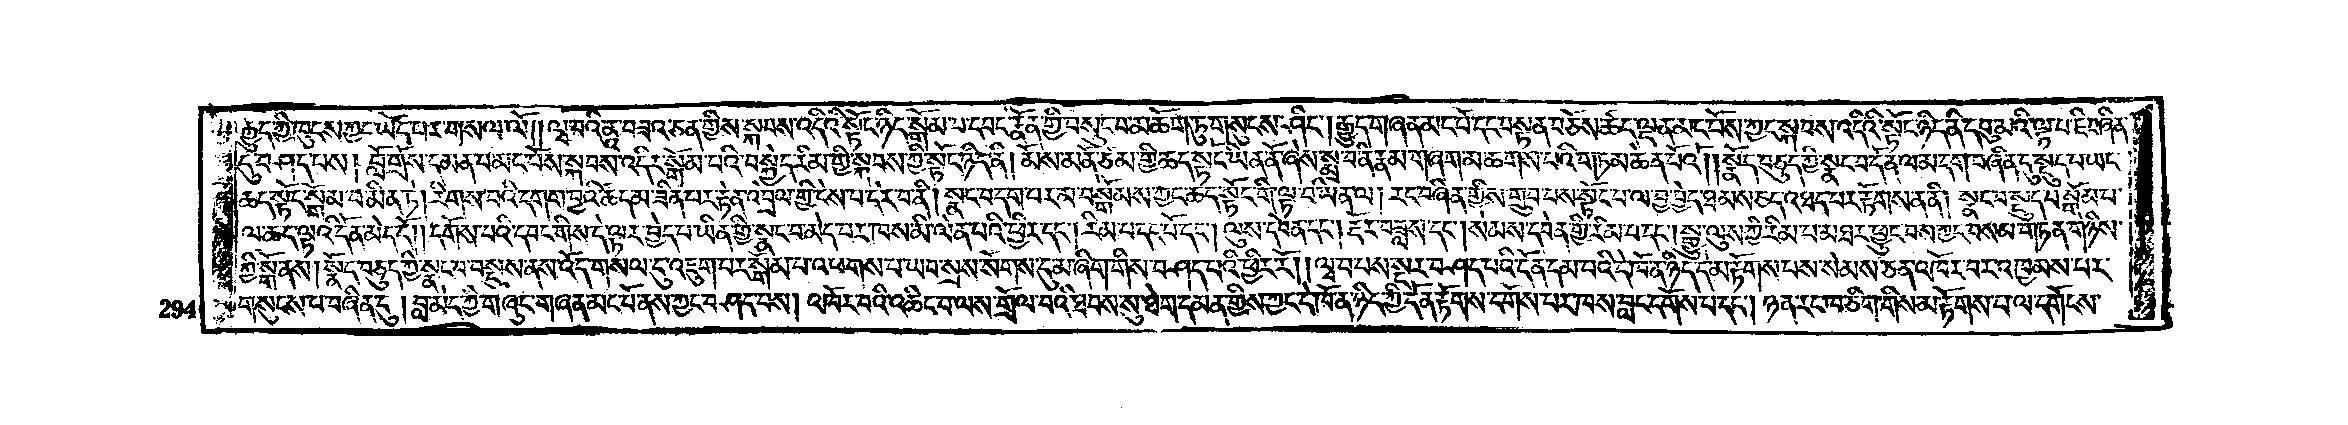རྒྱུད་ཀྱི་ཁུངས་ཀྱང་ཡོད་པར་གསལ་ལོ། །ལྭ་བའི་ནཱ་བཟའ་ཅན་གྱིས་སྐབས་འདིའི་སྟོང་ཉིད་སྒོམ་པ་དབང་རྣོན་གྱི་བསྲུང་བ་མཆོག་ཏུ་གསུངས་ཤིང་། རྒྱུད་གཞན་མང་པོ་དང་བསྟན་བཅོས་ཚད་ལྡན་མང་པོས་ཀྱང་སྐབས་འདིའི་སྟོང་ཉིད་ནི་དབུ་མའི་ལྟ་བ་ཇི་བཞིན་
དུ་བཤད་པས། བློ་གྲོས་དམན་པ་མང་པོས་སྐབས་འདིར་སྒོམ་པའི་བསྐྱེད་རིམ་གྱི་སྐབས་ཀྱི་སྟོང་ཉིད་ནི། མོས་མནོ་ཙམ་གྱི་ཆད་སྟོང་ཡིན་ནོ་ཞེས་སྨྲ་བ་ནི་རྣམ་གཞག་མ་ཆགས་པའི་གཏམ་ཆེན་པོའོ། །སྣོད་བཅུད་ཀྱི་སྣང་བ་དོན་ལ་མ་དག་བཞིན་དུ་སྡུད་པ་ཡང་
ཆད་སྟོང་སྒོམ་པ་མིན་ཏེ། རིགས་པའི་དགག་བྱའི་ཚད་མ་ཟིན་པར་རྟེན་འབྲེལ་གྱི་ངེས་པ་དེར་བ་ནི། སྣང་བ་དག་པར་མ་བསྒོམས་ཀྱང་ཆད་སྟོང་གི་ལྟ་བ་ཡིན་ལ། རང་བཞིན་གྱིས་གྲུབ་པས་སྟོང་པ་ལ་བྱ་བྱེད་ཐམས་ཅད་འཐད་པར་རྟོགས་ན་ནི། སྣང་བ་སྡུད་པ་སྒོམ་པ་
ལ་ཆད་ལྟའི་དོན་མེད་དོ། །དགོས་པའི་དབང་གིས་དེ་ལྟར་བྱེད་པ་ཡིན་གྱི་སྣང་བ་མེད་པར་ཁས་མི་ལེན་པའི་ཕྱིར་དང་། རིམ་པ་དང་པོ་དང་། ལུས་དབེན་དང་། རྡོར་བཟླས་དང་། སེམས་དབེན་གྱི་རིམ་པ་དང་། སྒྱུ་ལུས་ཀྱི་རིམ་པ་མཐར་ཕྱུང་བས་ཀྱང་བསམ་གཏན་གཉིས་
ཀྱི་སྒོ་ནས། སྣོད་བཅུད་ཀྱི་སྣང་བ་བསྡུས་ནས་འོད་གསལ་དུ་འཇུག་པར་སྒོམ་པ་འཕགས་པ་ཡབ་སྲས་སོགས་དུ་མ་ཞིག་གིས་བཤད་པའི་ཕྱིར་རོ། །ལྭ་བ་པས་སྔར་བཤད་པའི་དོན་དམ་པའི་དེ་ཁོ་ན་ཉིད་དེ་མ་རྟོགས་པས་སེམས་ཅན་འཁོར་བར་འཁྱམས་པར་
གསུངས་པ་བཞིན་དུ། བླ་མེད་ཀྱི་གཞུང་གཞན་མང་པོ་ནས་ཀྱང་བཤད་པས། འཁོར་བའི་འཆིང་བ་ལས་གྲོལ་བའི་ཐབས་སུ་ཐེག་དམན་གྱིས་ཀྱང་དེ་ཁོ་ན་ཉིད་ཀྱི་དོན་རྟོགས་དགོས་པར་ཁས་བླང་དགོས་པ་དང་། ཉན་རང་ཁ་ཅིག་གིས་མ་རྟོགས་པ་ལ་དགོངས་